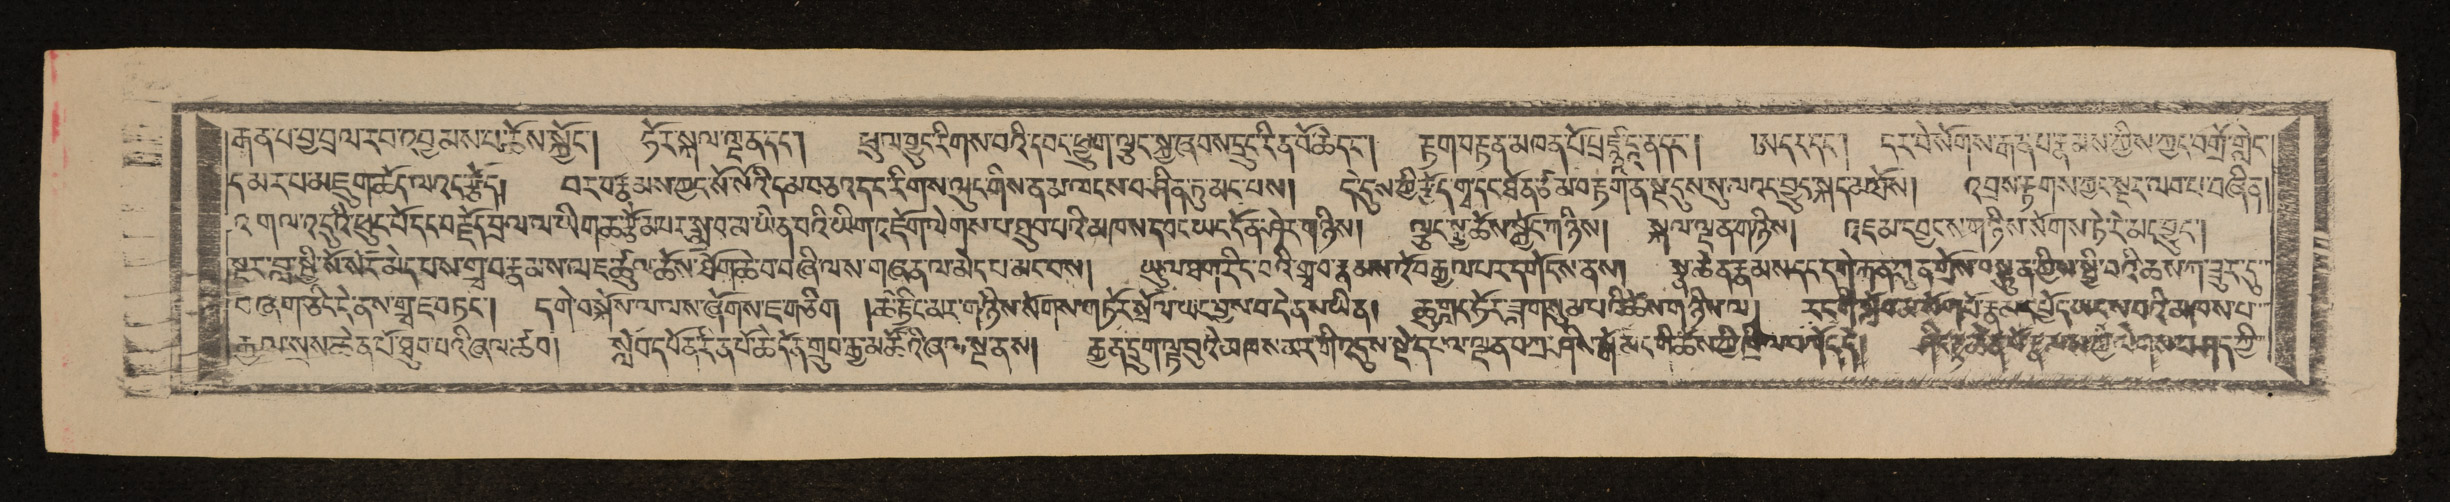རྒན་པ་བྱ་བྲལ་རབ་འབྱམས་པ་ཆོས་སྐྱོང་། ཧོར་སྐལ་ལྡན་དང་། ཕུལ་བྱུང་རིགས་པའི་དབང་ཕྱུག་ལྕང་སྐྱ་ཞབས་དྲུང་རིན་པོ་ཆེ་དང་། རྟག་བརྟན་མཁན་པོ་པྲཛྙཱ་དཱ་ན་དང་། ཨ་དར་དང་། དར་བེ་སོགས་རྒན་པ་རྣམས་ཀྱིས་ཀྱང་བགྲོ་གླེང་
དམར་བ་མཇུག་ཆོད་ལའང་རྩོད། བར་བ་རྣམས་ཀྱང་སོ་སོའི་དམ་བཅའ་དང་རིགས་ལུང་གིས་ནམ་ལངས་པ་ཤིན་ཏུ་མང་པས། དེ་དུས་ཀྱི་རྩོད་གྲྭ་དང་ཐོན་ཙམ་བརྟག་ན་སྔ་དུས་སུ་ལའང་བྱུང་སྐད་མ་ཐོས། འབྲས་རྟགས་ཀྱང་སྔར་ལབ་བ་བཞིན་
འགལ་འདུའི་ཕུང་པོ་དང་བརྗོད་བྲལ་ལ་ཡིག་ཆ་རྩོམ་པར་སྨྲ་བ་མ་ཡིན་པའི་ཡིག་འཇོག་ལེགས་པ་ཐུབ་པའི་མཁས་དབང་ཡང་དོན་ཤེར་གཉིས། ལྕང་སྐྱ་ཆོས་སྐྱོང་གཉིས། སྐལ་ལྡན་གཉིས། འཇམ་དབྱངས་གཉིས་སོགས་ཏེ་རེ་མང་བྱུང་།
སྔར་བླ་སྤྱི་སོ་སོར་མེད་པས་གྲྭ་བ་རྣམས་ལ་ཇ་ཚུལ་ཆོས་ཐོག་ཆེ་བ་བཞི་ལས་གཞན་ལ་མེད་པ་མང་བས། ཡུལ་ཐག་རིང་བའི་གྲྭ་བ་རྣམས་འོབ་རྒྱལ་པར་དགོངས་ནས། སྣ་ཆེན་རྣམས་དང་དགེ་རྒན་ཀུན་གྲོས་བསྟུན་གྱིས་སྤྱི་པའི་ཆས་གཟུར་དུ་
བཞག་ཅིང་དེ་ནས་གྲྭ་ཇ་བཏང་། དགེ་བསྐོས་ལ་ལས་ཞོགས་ཇ་གཅིག །ཚ་རྟིང་མར་གཉིས་སོགས་གཏོང་སྲོལ་ཡང་བྱས་པ་དེ་ནས་ཡིན། ཆུ་གླང་ཧོར་ཟླ་གསུམ་པའི་ཚེས་གཉིས་ལ། རང་གི་སློབ་མ་སོག་པོ་རྣམ་དཔྱོད་ཡངས་པའི་མཁས་པ་
རྒྱལ་སྲས་ཆེན་པོ་ཐུབ་པའི་ཞལ་ཚབ། སློབ་དཔོན་རིན་པོ་ཆེ་དོན་གྲུབ་རྒྱ་མཚོའི་ཞལ་སྔ་ནས། རྒྱན་དྲུག་ལྟ་བུའི་མཁས་མང་གི་འདུས་སྡེ་དཔལ་ལྡན་བཀྲ་ཤིས་སྒོ་མང་གི་ཆོས་ཀྱི་ཁྲི་ལ་བཀོད་དེ། ཤིང་རྟ་ཆེན་པོ་རྣམས་ཀྱི་ལེགས་བཤད་ཀྱི་